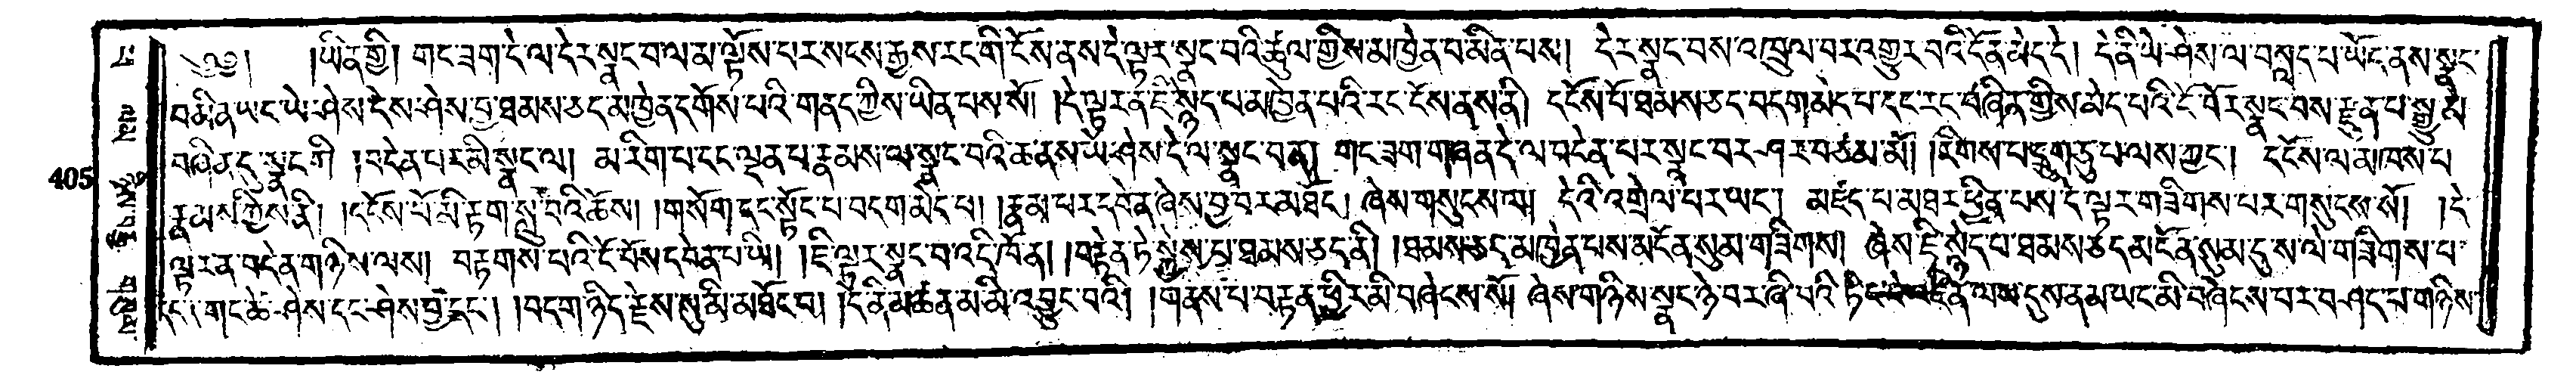༄༅། །ཡིན་གྱི། གང་ཟག་དེ་ལ་དེར་སྣང་བ་ལ་མ་ལྟོས་པར་སངས་རྒྱས་རང་གི་ངོས་ནས་དེ་ལྟར་སྣང་བའི་ཚུལ་གྱིས་མཁྱེན་པ་མིན་པས། དེར་སྣང་བས་འཁྲུལ་བར་འགྱུར་བའི་དོན་མེད་དེ། དེ་ནི་ཡེ་ཤེས་ལ་བསླད་པ་ཡོད་ནས་སྣང་
བ་མིན་ཡང་ཡེ་ཤེས་དེས་ཤེས་བྱ་ཐམས་ཅད་མཁྱེན་དགོས་པའི་གནང་ཀྱིས་ཡིན་པས་སོ། །དེ་ལྟར་ན་ཇི་སྙེད་པ་མཁྱེན་པའི་རང་ངོས་ནས་ནི། དངོས་པོ་ཐམས་ཅད་བདག་མེད་པ་དང་རང་བཞི་གྱིས་མེད་པའི་ངོ་བོར་སྣང་བས་རྫུན་པ་སྒྱུ་མ་
བཞིན་དུ་སྣང་གི། །བདེན་པར་མི་སྣང་ལ། མ་རིག་པ་དང་ལྡན་པ་རྣམས་ལ་སྣང་བའི་ཆ་ནས་ཡེ་ཤེས་དེ་ལ་སྣང་བ་ན། གང་ཟག་གཞན་དེ་ལ་བདེན་པར་སྣང་བར་ཤར་བཙམ་མོ། །རིགས་པ་དྲུག་ཅུ་པ་ལས་ཀྱང་། དངོས་ལ་མཁས་པ་
རྣམས་ཀྱིས་ནི། །དངོས་པོ་མི་རྟག་སླུ་བའི་ཆོས། །གསོག་དང་སྟོང་པ་བདག་མེད་པ། །རྣམ་པར་དབེན་ཞེས་བྱ་བར་མཐོང་། ཞེས་གསུངས་ལ། དེའི་འགྲེལ་བར་ཡང་། མཛད་པ་མཐར་ཕྱིན་པས་དེ་ལྟར་གཟིགས་པར་གསུངས་སོ། །དེ་
ལྟར་ན་བདེན་གཉིས་ལས། བརྟགས་པའི་ངོ་བོས་དབེན་པ་ཡི། །ཇི་ལྟར་སྣང་བ་འདི་ཁོ་ན། །བརྟེན་ཏེ་སྐྱེས་པ་ཐམས་ཅད་ནི། །ཐམས་ཅད་མཁྱེན་པས་མངོན་སུམ་གཟིགས། ཞེས་ཇི་སྙེད་པ་ཐམས་ཅད་མངོན་སུམ་དུ་ས་ལེ་གཟིགས་པ་
དང༑ གང་ཚེ་ཤེས་དག་ཤེས་བྱ་དང་། །བདག་ཉིད་རྗེས་སུ་མི་མཐོང་བ། །དེ་ནི་མཚན་མ་མི་འབྱུང་བའི། །གནས་པ་བརྟན་ཕྱིར་མི་བཞེངས་སོ། ཞེས་གཉིས་སྣང་ཉེ་བར་ཞི་བའི་ཏིང་ངེ་འཛིན་ལས་དུས་ནམ་ཡང་མི་བཞེངས་པར་བཤད་པ་གཉིས་